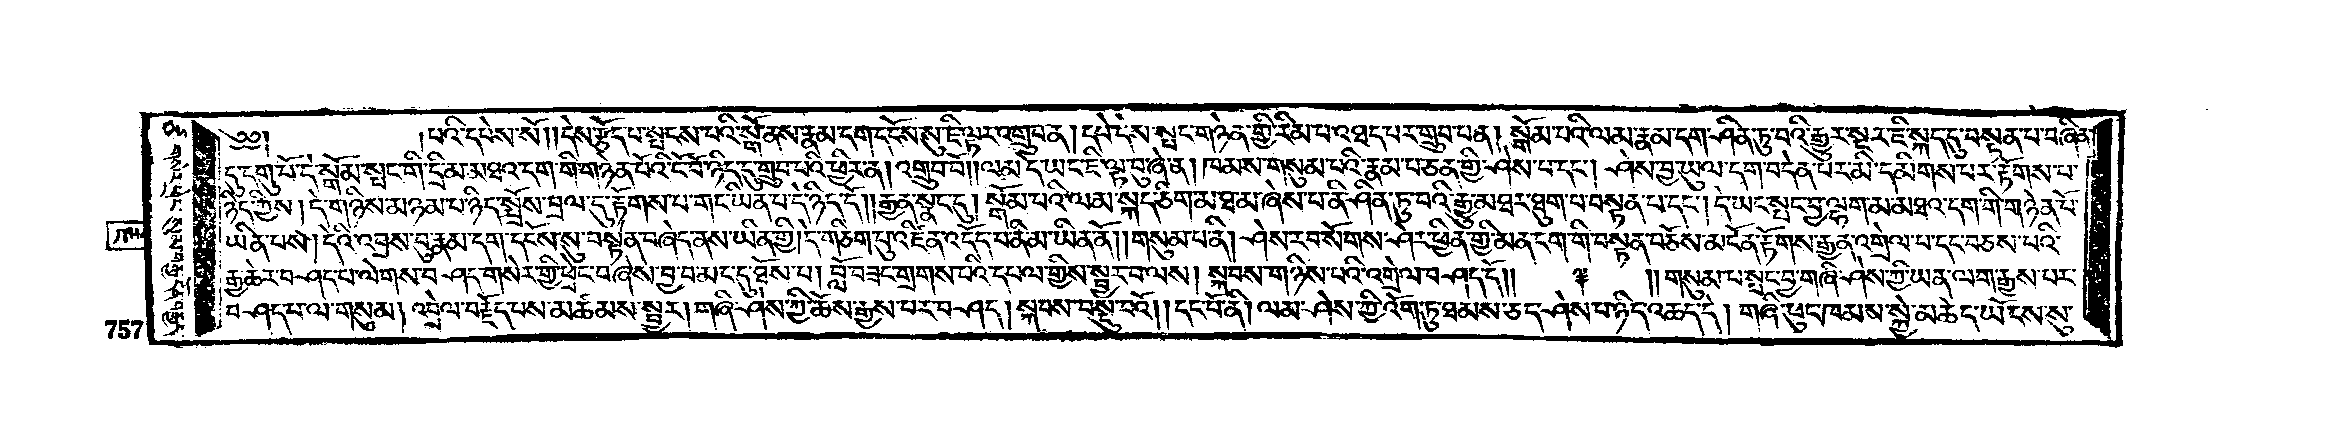༄༅། །པའི་དཔེས་སོ། །དེས་རྩོད་པ་སྤངས་པའི་སྒོ་ནས་རྣམ་དག་དངོས་སུ་ཇི་ལྟར་འགྲུབ་ན། དཔེ་དེས་སྤང་གཉེན་གྱི་རིམ་པ་འཐད་པར་གྲུབ་པ་ན། སྒོམ་པའི་ལམ་རྣམ་དག་ཤིན་ཏུ་བའི་རྒྱུར་སྔར་ཇི་སྐད་དུ་བསྟན་པ་བཞིན་
དུ་དགུ་པོ་དེ་སྒོམ་སྤང་གི་དྲི་མ་མཐའ་དག་གི་གཉེན་པོའི་ངོ་བོ་ཉིད་དུ་གྲུབ་པའི་ཕྱིར་ན། འགྲུབ་བོ། །ལམ་དེ་ཡང་ཇི་ལྟ་བུ་ཞེ་ན། ཁམས་གསུམ་པའི་རྣམ་པ་ཅན་གྱི་ཤེས་པ་དང་། ཤེས་བྱ་ཡུལ་དག་བདེན་པར་མི་དམིགས་པར་རྟོགས་པ་
ཉིད་ཀྱིས། དེ་གཉིས་མཉམ་པ་ཉིད་སྤྲོས་བྲལ་དུ་རྟོགས་པ་གང་ཡིན་པ་དེ་ཉིད་དེ། །རྒྱན་སྣང་དུ། སྒོམ་པའི་ལམ་སྐད་ཅིག་མ་ཐ་མ་ཞེས་པ་ནི་ཤིན་ཏུ་བའི་རྒྱུ་མཐར་ཐུག་པ་བསྟན་པ་དང་། དེ་ཡང་སྤང་བྱ་ལྷག་མ་མཐའ་དག་གི་གཉེན་པོ་
ཡིན་པས། དེའི་འབྲས་བུ་རྣམ་དག་དངོས་སུ་བསྟན་བཞེད་ནས་ཡིན་གྱི། དེ་གཅིག་པུ་འཛིན་འདོད་པ་ནི་མ་ཡིན་ནོ། །གསུམ་པ་ནི། ཤེས་རབ་སོགས་ཤེར་ཕྱིན་གྱི་མན་ངག་གི་བསྟན་བཅོས་མངོན་རྟོགས་རྒྱན་འགྲེལ་པ་དང་བཅས་པའི་
རྒྱ་ཆེར་བཤད་པ་ལེགས་བཤད་གསེར་གྱི་ཕྲེང་བ་ཞེས་བྱ་བ་མང་དུ་ཐོས་པ། བློ་བཟང་གྲགས་པའི་དཔལ་གྱིས་སྦྱར་བ་ལས། སྐབས་གཉིས་པའི་འགྲེལ་བཤད་དོ།། ༈ །།གསུམ་པ་སྤང་བྱ་གཞི་ཤེས་ཀྱི་ཡན་ལག་རྒྱས་པར་
བཤད་པ་ལ་གསུམ། འབྲེལ་བརྗོད་པས་མཚམས་སྦྱར། གཞི་ཤེས་ཀྱི་ཆོས་རྒྱས་པར་བཤད། སྐབས་བསྡུ་བའོ། །དང་པོ་ནི། ལམ་ཤེས་ཀྱི་འོག་ཏུ་ཐམས་ཅད་ཤེས་པ་ཉིད་འཆད་དེ། གཞི་ཕུང་ཁམས་སྐྱེ་མཆེད་ཡོངས་སུ་